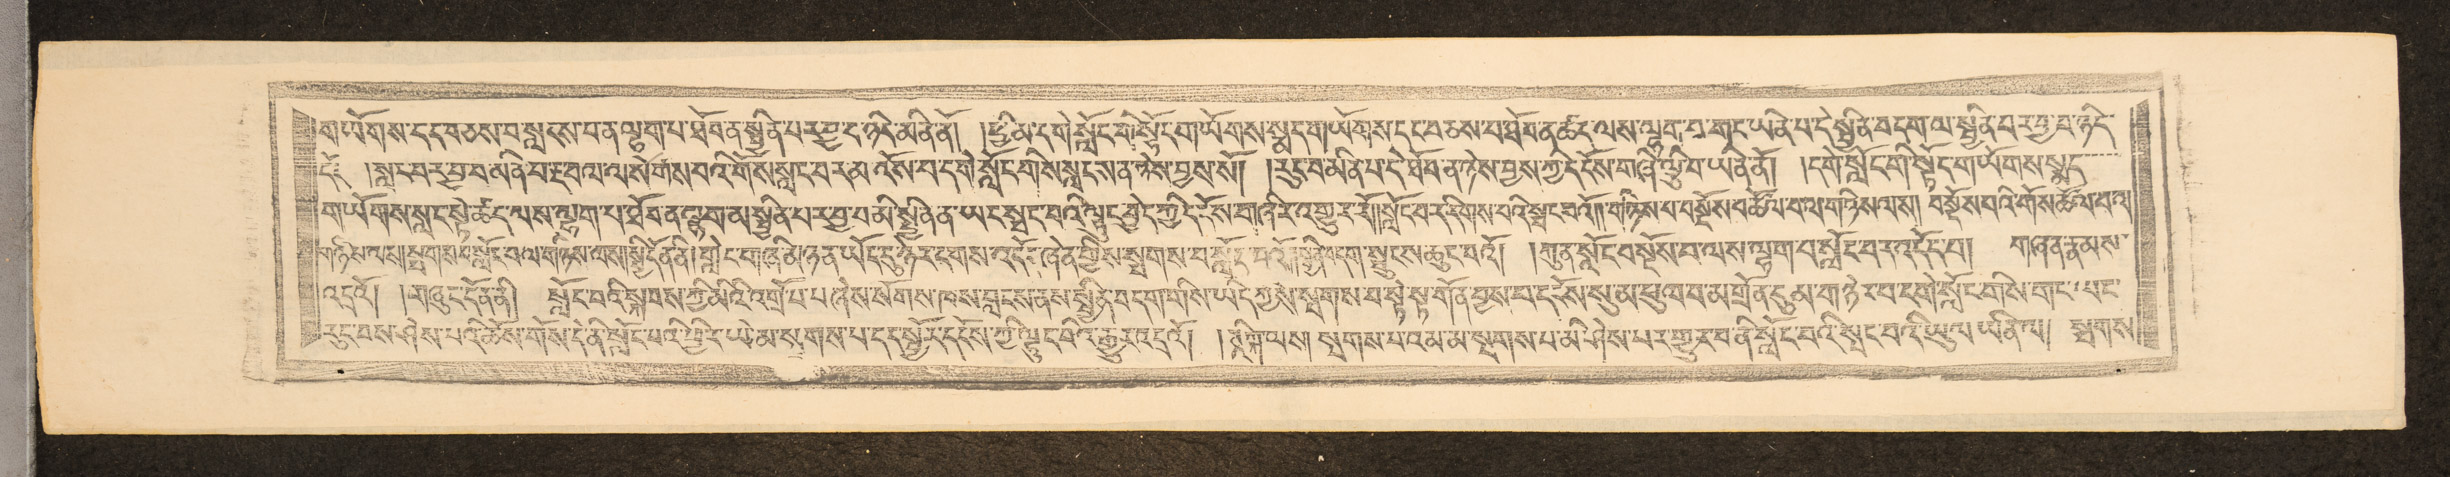གཡོགས་དང་བཅས་པ་སླངས་པ་ན་ལྷག་པ་ཐོབ་ན་སྦྱིན་པར་བྱ་བ་ཉིད་མིན་ནོ། །ཕྱི་མ་དགེ་སློང་གི་སྟོད་གཡོགས་སྨད་གཡོགས་དང་བཅས་པ་ཐོབ་ན་ཚད་ལས་ལྷག་པ་གང་ཡིན་པ་དེ་སྦྱིན་བདག་ལ་སྦྱིན་པར་བྱ་བ་ཉིད་
དོ༑ །སླང་བར་བྱ་བ་མིན་པ་རྔ་བལ་ལ་སོགས་པའི་གོས་སླང་བར་མི་འོས་པ་དགེ་སློང་གིས་སླངས་ན་ཉེས་བྱས་སོ། །རུང་བ་མིན་པ་དེ་ཐོབ་ན་ཉེས་བྱས་ཀྱི་དངོས་གཞི་ལྕི་བ་ཡིན་ནོ། །དགེ་སློང་གི་སྟོད་གཡོགས་སྨད་
གཡོགས་སླང་སྟེ་ཚད་ལས་ལྷག་པ་ཐོབ་ན་ལྷག་མ་སྦྱིན་པར་བྱ་བ་མི་སྦྱིན་ན་ཡང་སྦང་བའི་ལྟུང་བྱེད་ཀྱི་དངོས་གཞིར་འགྱུར་རོ། །སློང་བར་རིགས་བའི་སྤང་བའོ། །གཉིས་བ་བསྔོས་པ་ཚོལ་བ་ལ་གཉིས་ལས། བསྔོས་པའི་གོས་ཚོལ་བ་ལ་
གཉིས་ལས། སྦགས་བ་སློང་བ་ལ་གཉིས་ལས། སྦྱི་དོན་ནི། གླེང་གཞི་མཉན་ཡོད་དུ་ཉེར་དགས་འདོད་ཞེན་གྱིས་སྤགས་བ་སློང་བའོ། །སྦྱིན་བདག་སྦུངས་ཆུང་བའོ། །ཀུན་སློང་བསྔོས་པ་ལས་ལྷག་པ་སློང་བར་འདོད་པ། གཞན་རྣམས་
འདྲའོ། །གཞུང་དོན་ནི། སློང་བའི་སྐབས་ཀྱི་མིའི་འགྲོ་བ་པ་ཞེས་སོགས་ཁས་བླངས་ནས་སྦྱིན་བདག་གིས་ཡིད་ཀྱིས་སྦགས་པ་སྟེ་སྟ་གོན་བྱས་བ་དངོས་སུ་མ་ཕུལ་བ་མགྲོན་དུ་མ་གཉེར་བ་དགེ་སློང་གིས་གང་ཡང་
རུང་བས་ཤེས་པའི་ཆོས་གོས་དེ་ནི་སློང་བའི་ཕྱིར་ཡེ་མ་སྤགས་པ་དང་སྦྱོར་དངོས་ཀྱི་ལྟུང་བའི་རྒྱུར་འདྲའོ། །ཊཱིཀྐ་ལས། སྦགས་པའམ་མ་སྤགས་པ་མི་ཤེས་པར་གྱུར་པ་ནི་སློང་བའི་སྤང་བའི་ཡུལ་ཡིན་ལ། སྤགས་